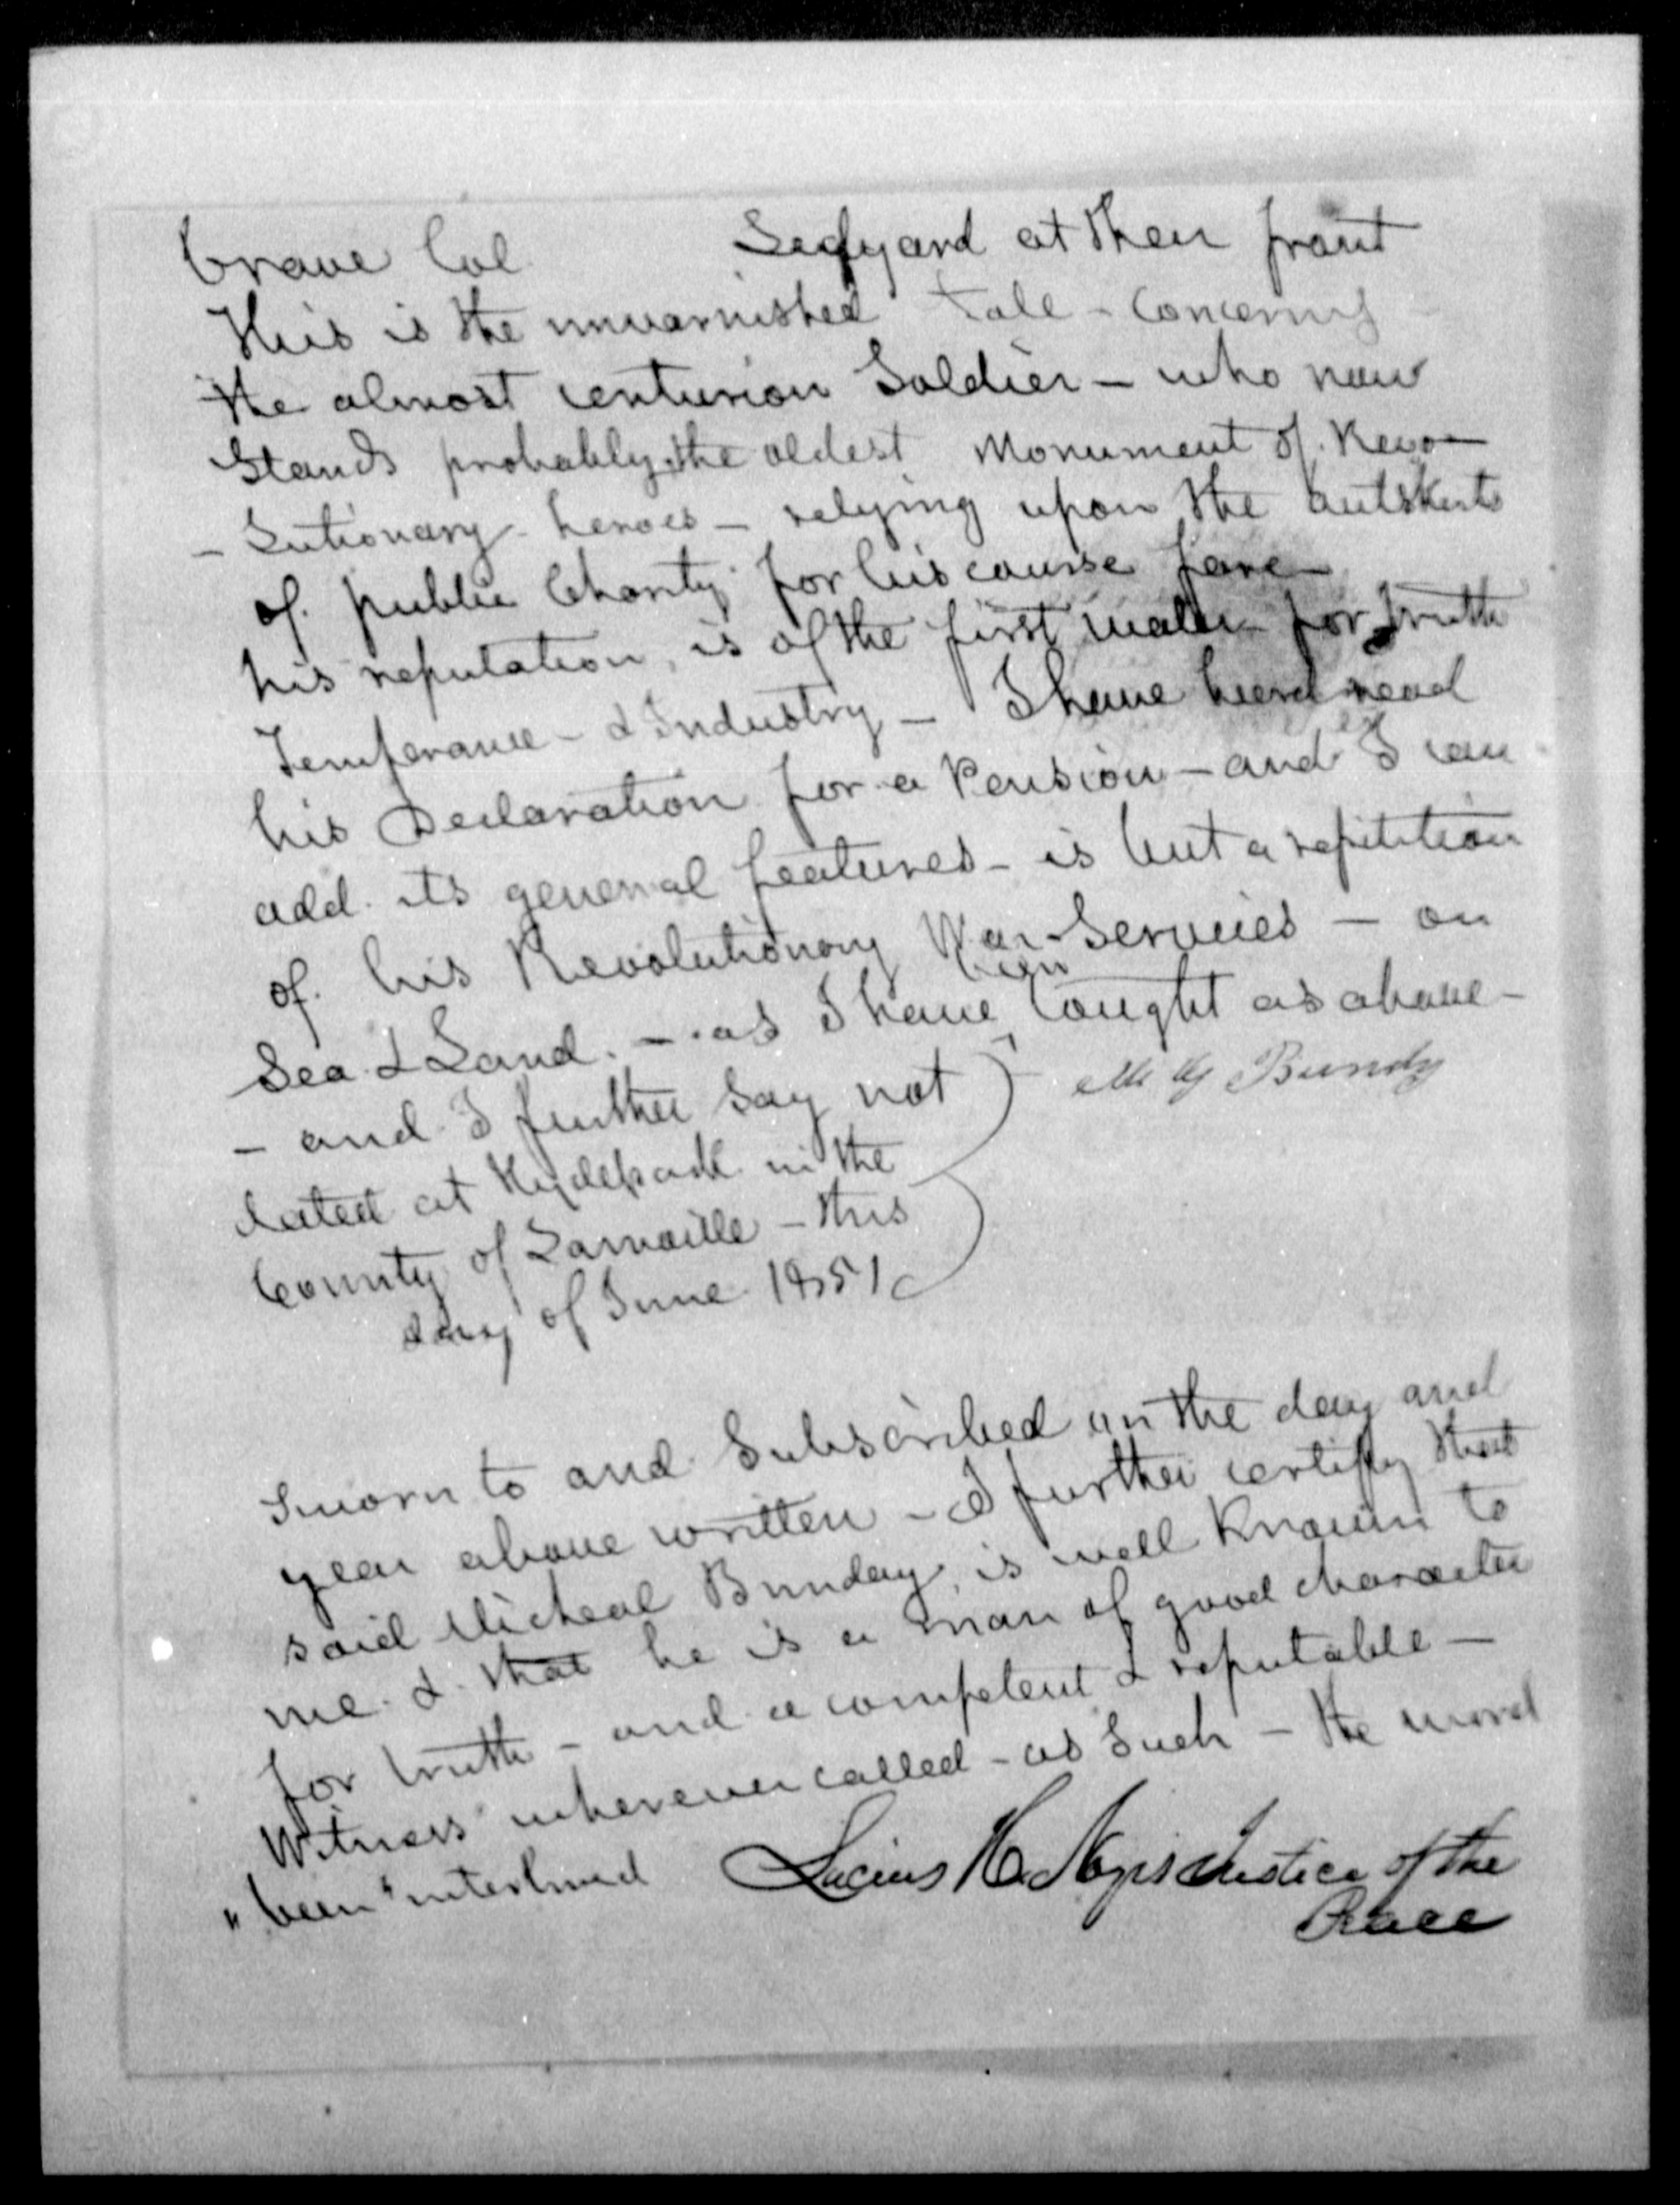brave Col. Ledyard at then front this is the unvarnished tale- concerns the almost centurian soldier who now stands probably the oldest Monument of Revolutionary Heroes- relying upon the outskirts of public charity for his cause fore his reputation is of the first water for truth temperature & industry. I have heard [head]  his declaration for a pension and I can add. Its general features is but a repitition of his Revolutionary War Services on sea &sand as I have now tought as above and I further say not dated at Hyde Park and in the county of Samoille- this day of June 1851 M. G. Bunday

Sworn to and subscribed on the day and year above written - I further certify that said Micheal Bunday is well known to me & that he is a man of good character for truth and a competent & reputable witness whereever called as such the word "been" unterlined
Lucius H. Noyes Justice of the Peace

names: M G Bundy; Micheal Bunday; [BLANK] Ledyard; Lucius H Noyes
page: 15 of 30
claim: rejected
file: R. 8625, for Elisha Razar, Connecticut